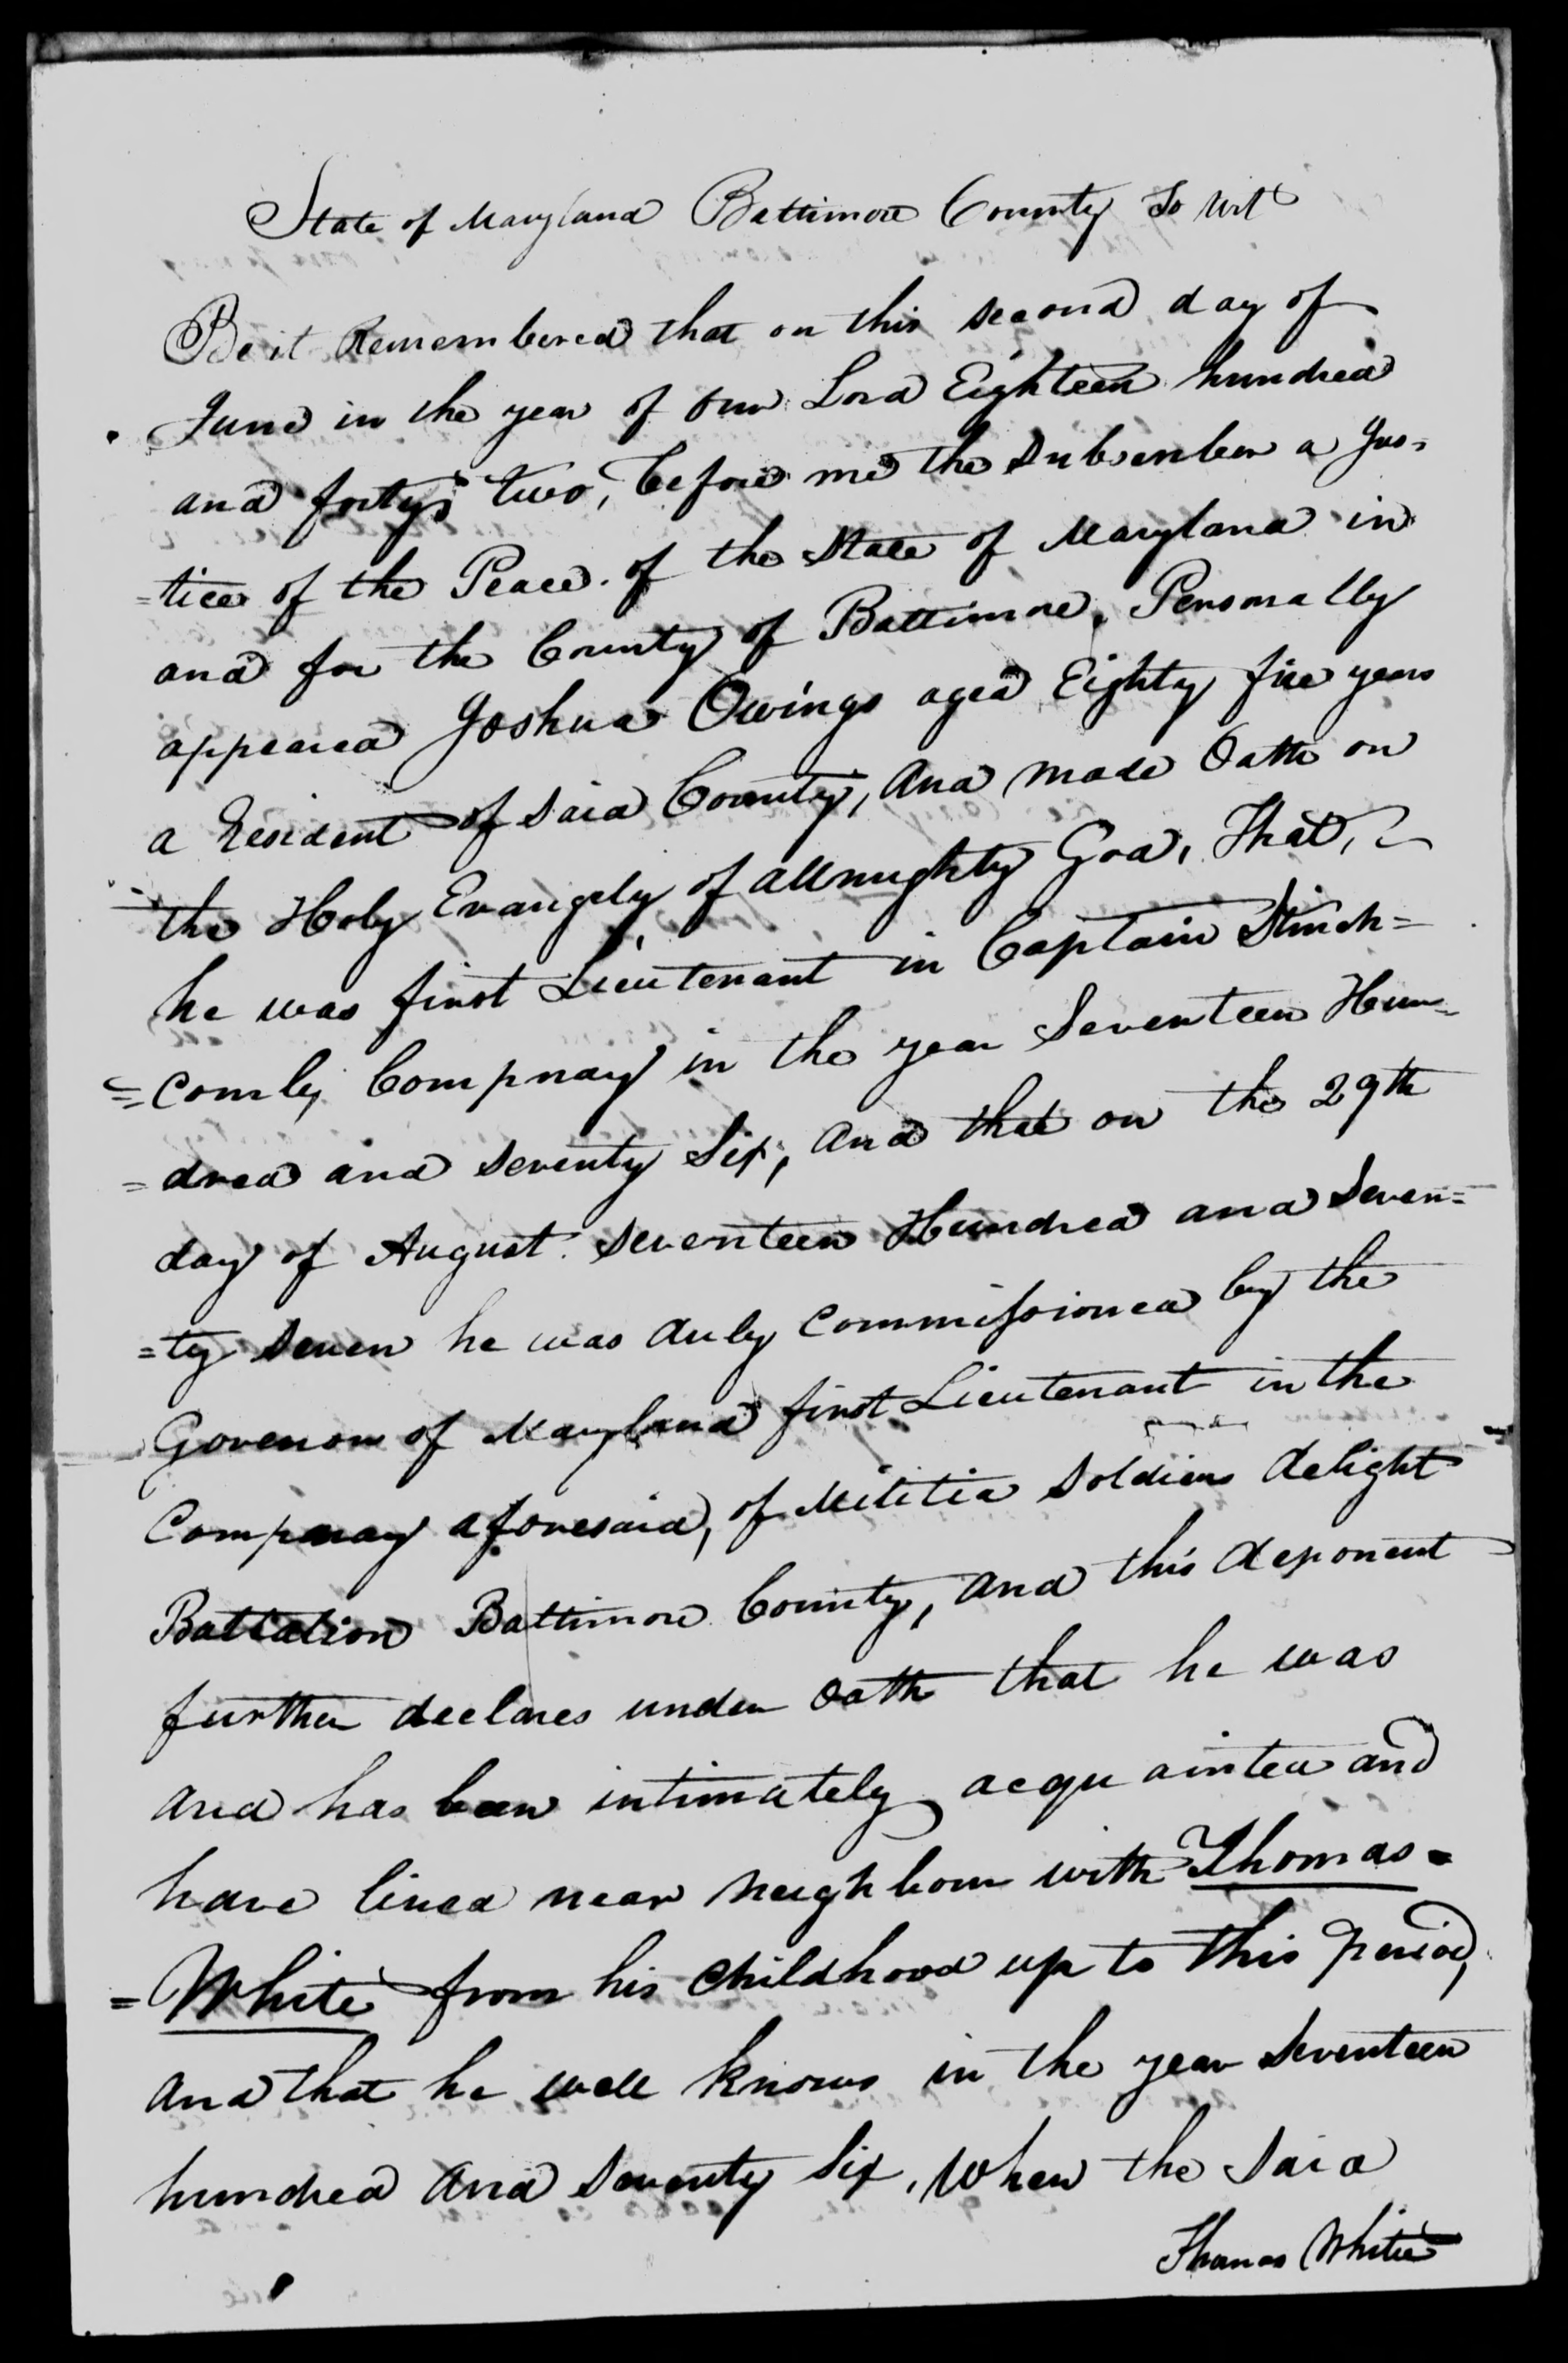State of Maryland Baltimore County To wit
Be it Remembered that on this second day of June in the year of our Lord Eighteen hundred and forty two, before me the subscriber a Justice of the Peace of the State of Maryland in and for the County of Baltimore, 
 Personally appeared Joshua Owings aged Eighty five years a resident of said County, and made oath on the Holy Evangely [Evangel] of Almighty God, That, he was first Lieutenant in Captain Stichcomly Company in the year Seventeen Hundred and Seventy Six, and that on the 29th day of August Seventeen Hundred and Seventy Seven he was duly commissioned by the Governor of Maryland first Lieutenant in the Company aforesaid, of Militia soldier delight Battalion Baltimore County, and this deponent further declares under oath that he was and has been intimately
acquainted and have lived near neighbour [neighbor] with Thomas White from his childhood up to this period and that he well knows in the year Seventeen hundred and Seventy Six, when the said
Thomas White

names: Joshua Owings, Thomas White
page: 8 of 43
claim: survivor's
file: S. 15240, Thomas White, Md.